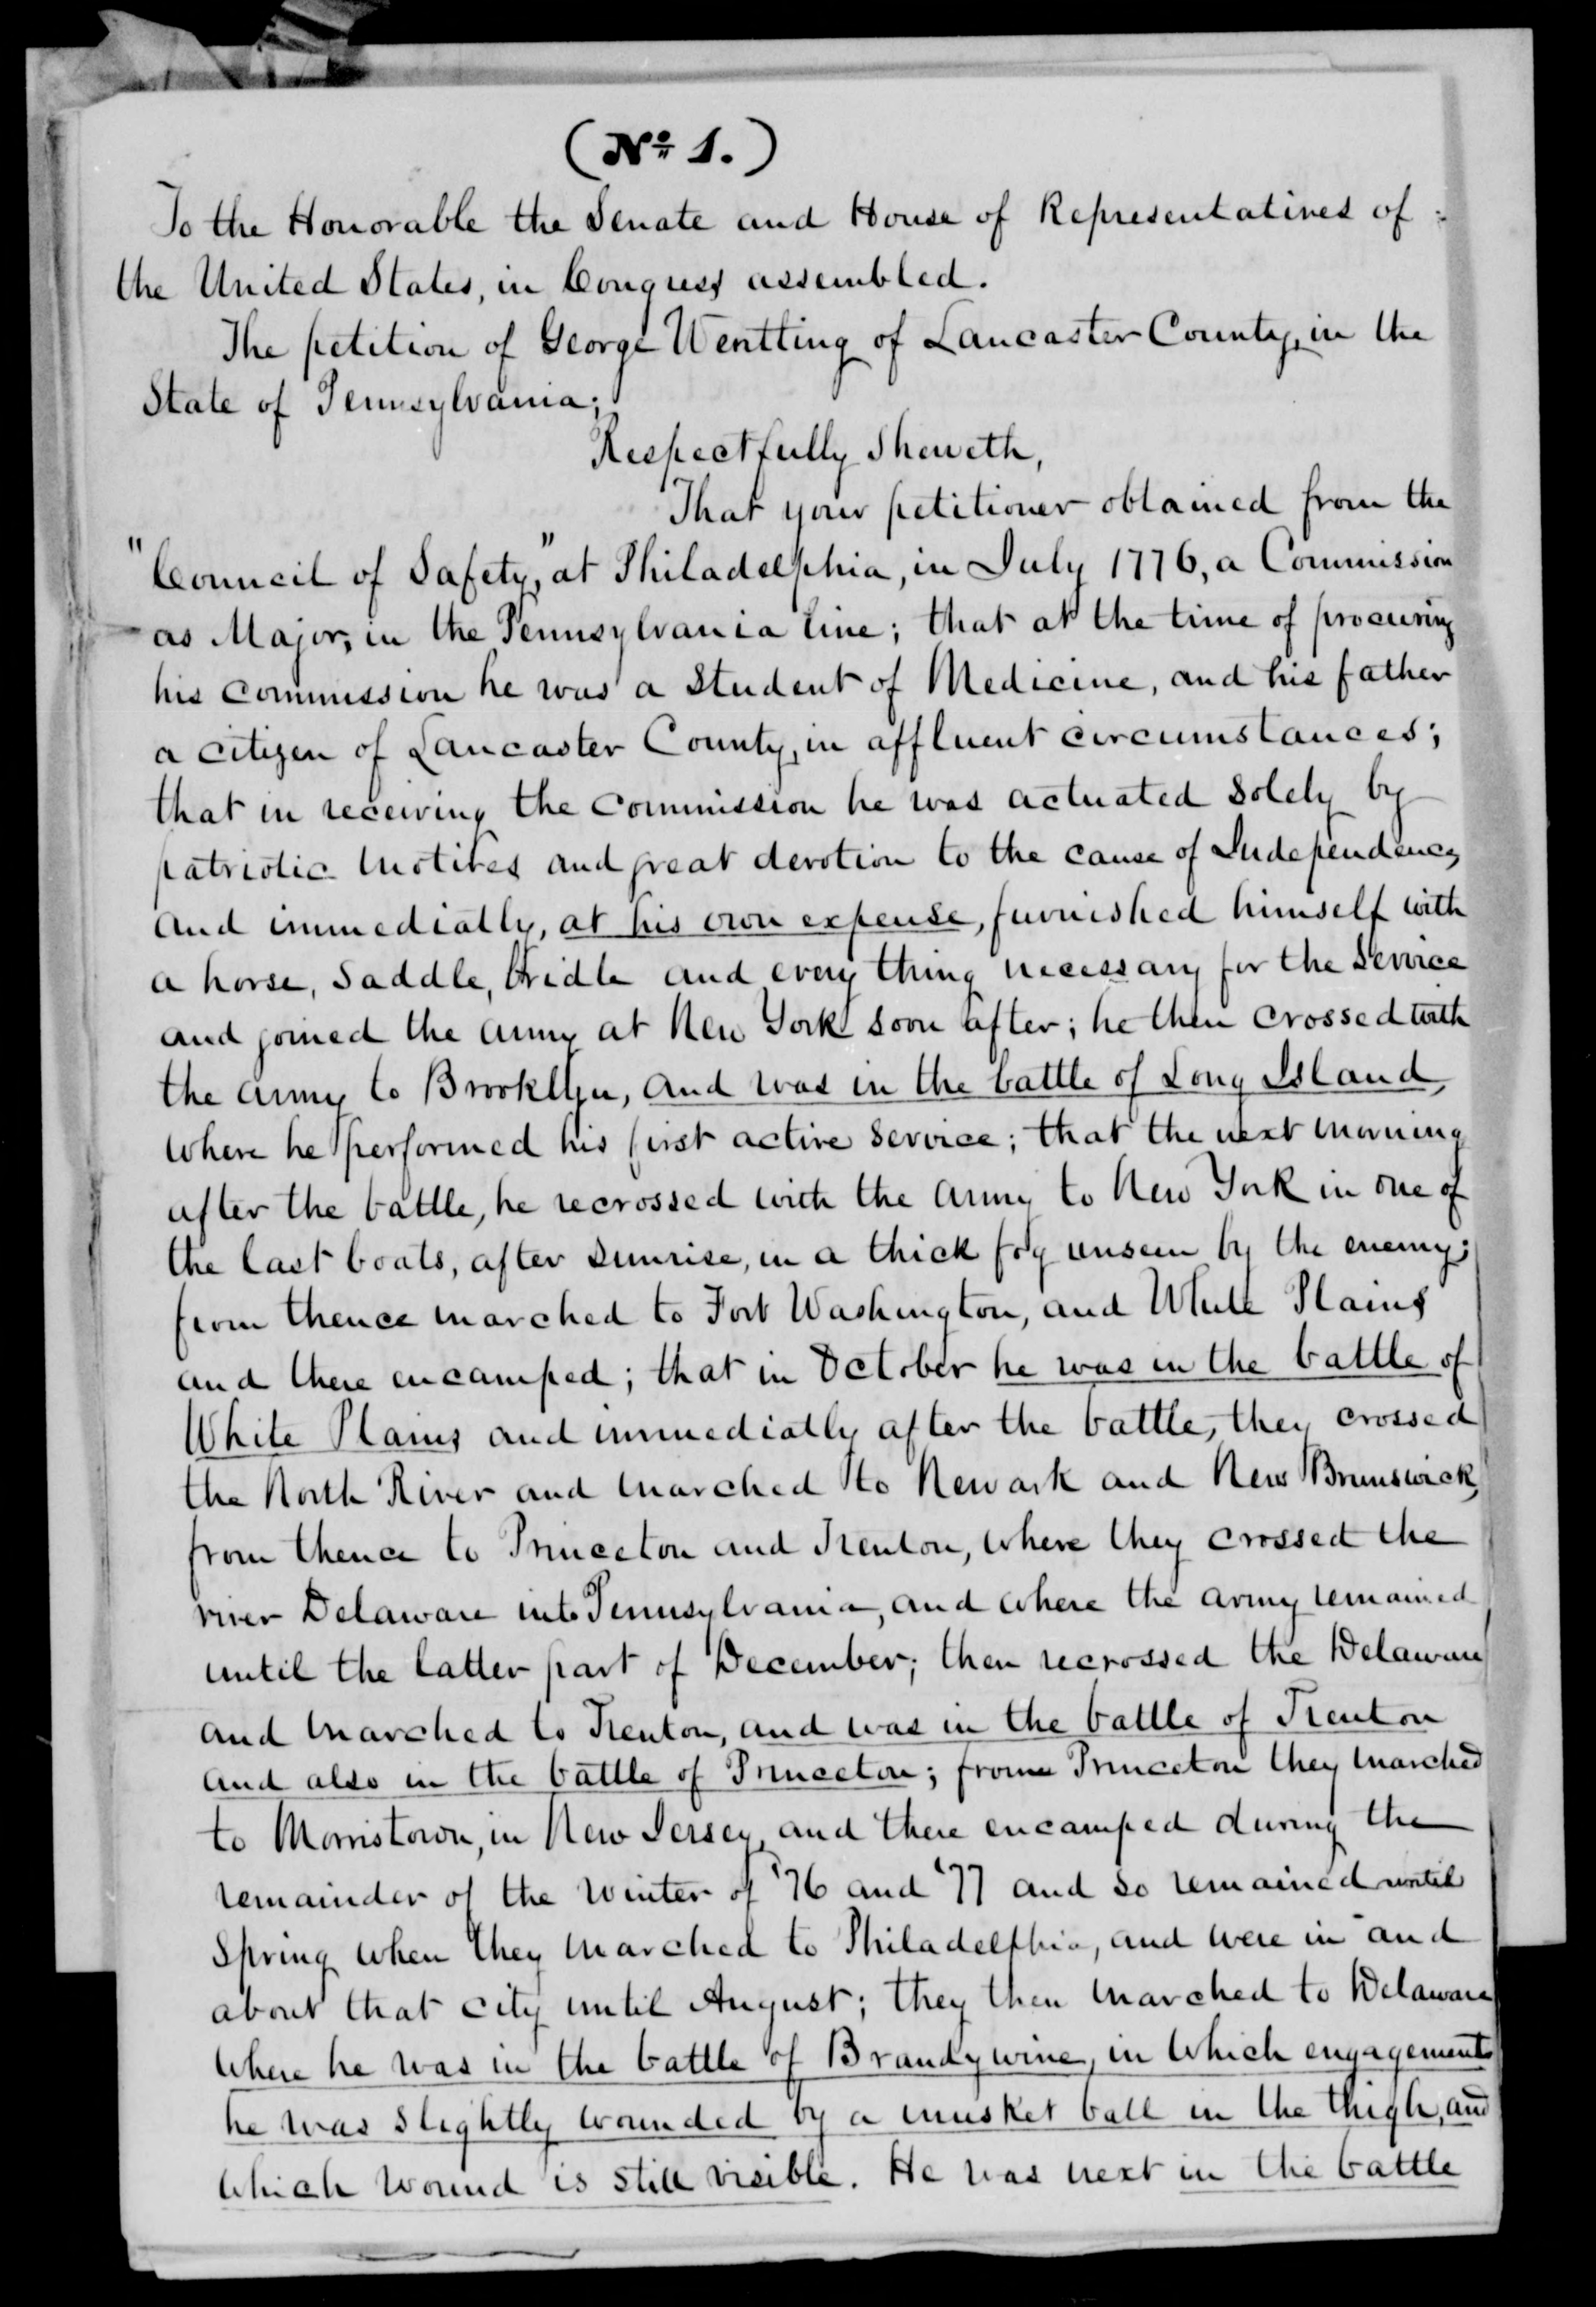(No 1.)
To the Honorable the Senate and House of Representatives of
the United States, in Congress assembled.
The petition of George Wentling of Lancaster County, in the
State of Pennsylvania
Respectfully Sheweth
That your petitioner obtained from the
“Council of Safety,” at Philadelphia, in July 1776, a Commission as Major, in the Pennsylvania line; that at the time of procuring his commission he was a student of Medicine, and his father a citizen of Lancaster County, in affluent circumstances; that in receiving the Commission he was actuated solely by patriotic motives and great devotion to the cause of Independence and immediatly, at his own expense, furnished himself with a horse, saddle, bridle and every thing necessary for the service and joined the army at New York. Soon after, he then crossed with the army to Brooklyn, and was in the battle of Long Island, where he performed his first active service; that the next morning after the battle, he recrossed with the army to New York in one of the
last boats, after sunrise, in a thick fog unseen by the enemy;
from thence marched to Fort Washington, and White Plains
and there encamped; that in October he was in the battle of
White Plains and immediatly after the battle, they crossed 
the North River and marched to Newark and New Brunswick,
from thence to Princeton and Trenton, where they crossed the
river Delaware into Pennsylvania, and where the Army remained until the latter part of December, then recrossed the Delaware and marched to Trenton, and was in the battle of Trenton and also in the battle of Princeton; from Princeton they marched to Morristown, in New Jersey, and there encamped during the remainder of the winter of 76 and 77 and so remained until Spring when they marched to Philadelphia, and were in and about that city until August; they then marched to Delaware where he was in the battle of Brandywine, in which engagement 
he was slightly wounded by a musket ball in the thigh, and
which wound is still visible. He was next in the battle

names: George Wentling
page: 50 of 68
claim: survivor's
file: S. 6,358, George Wentling, Penn.